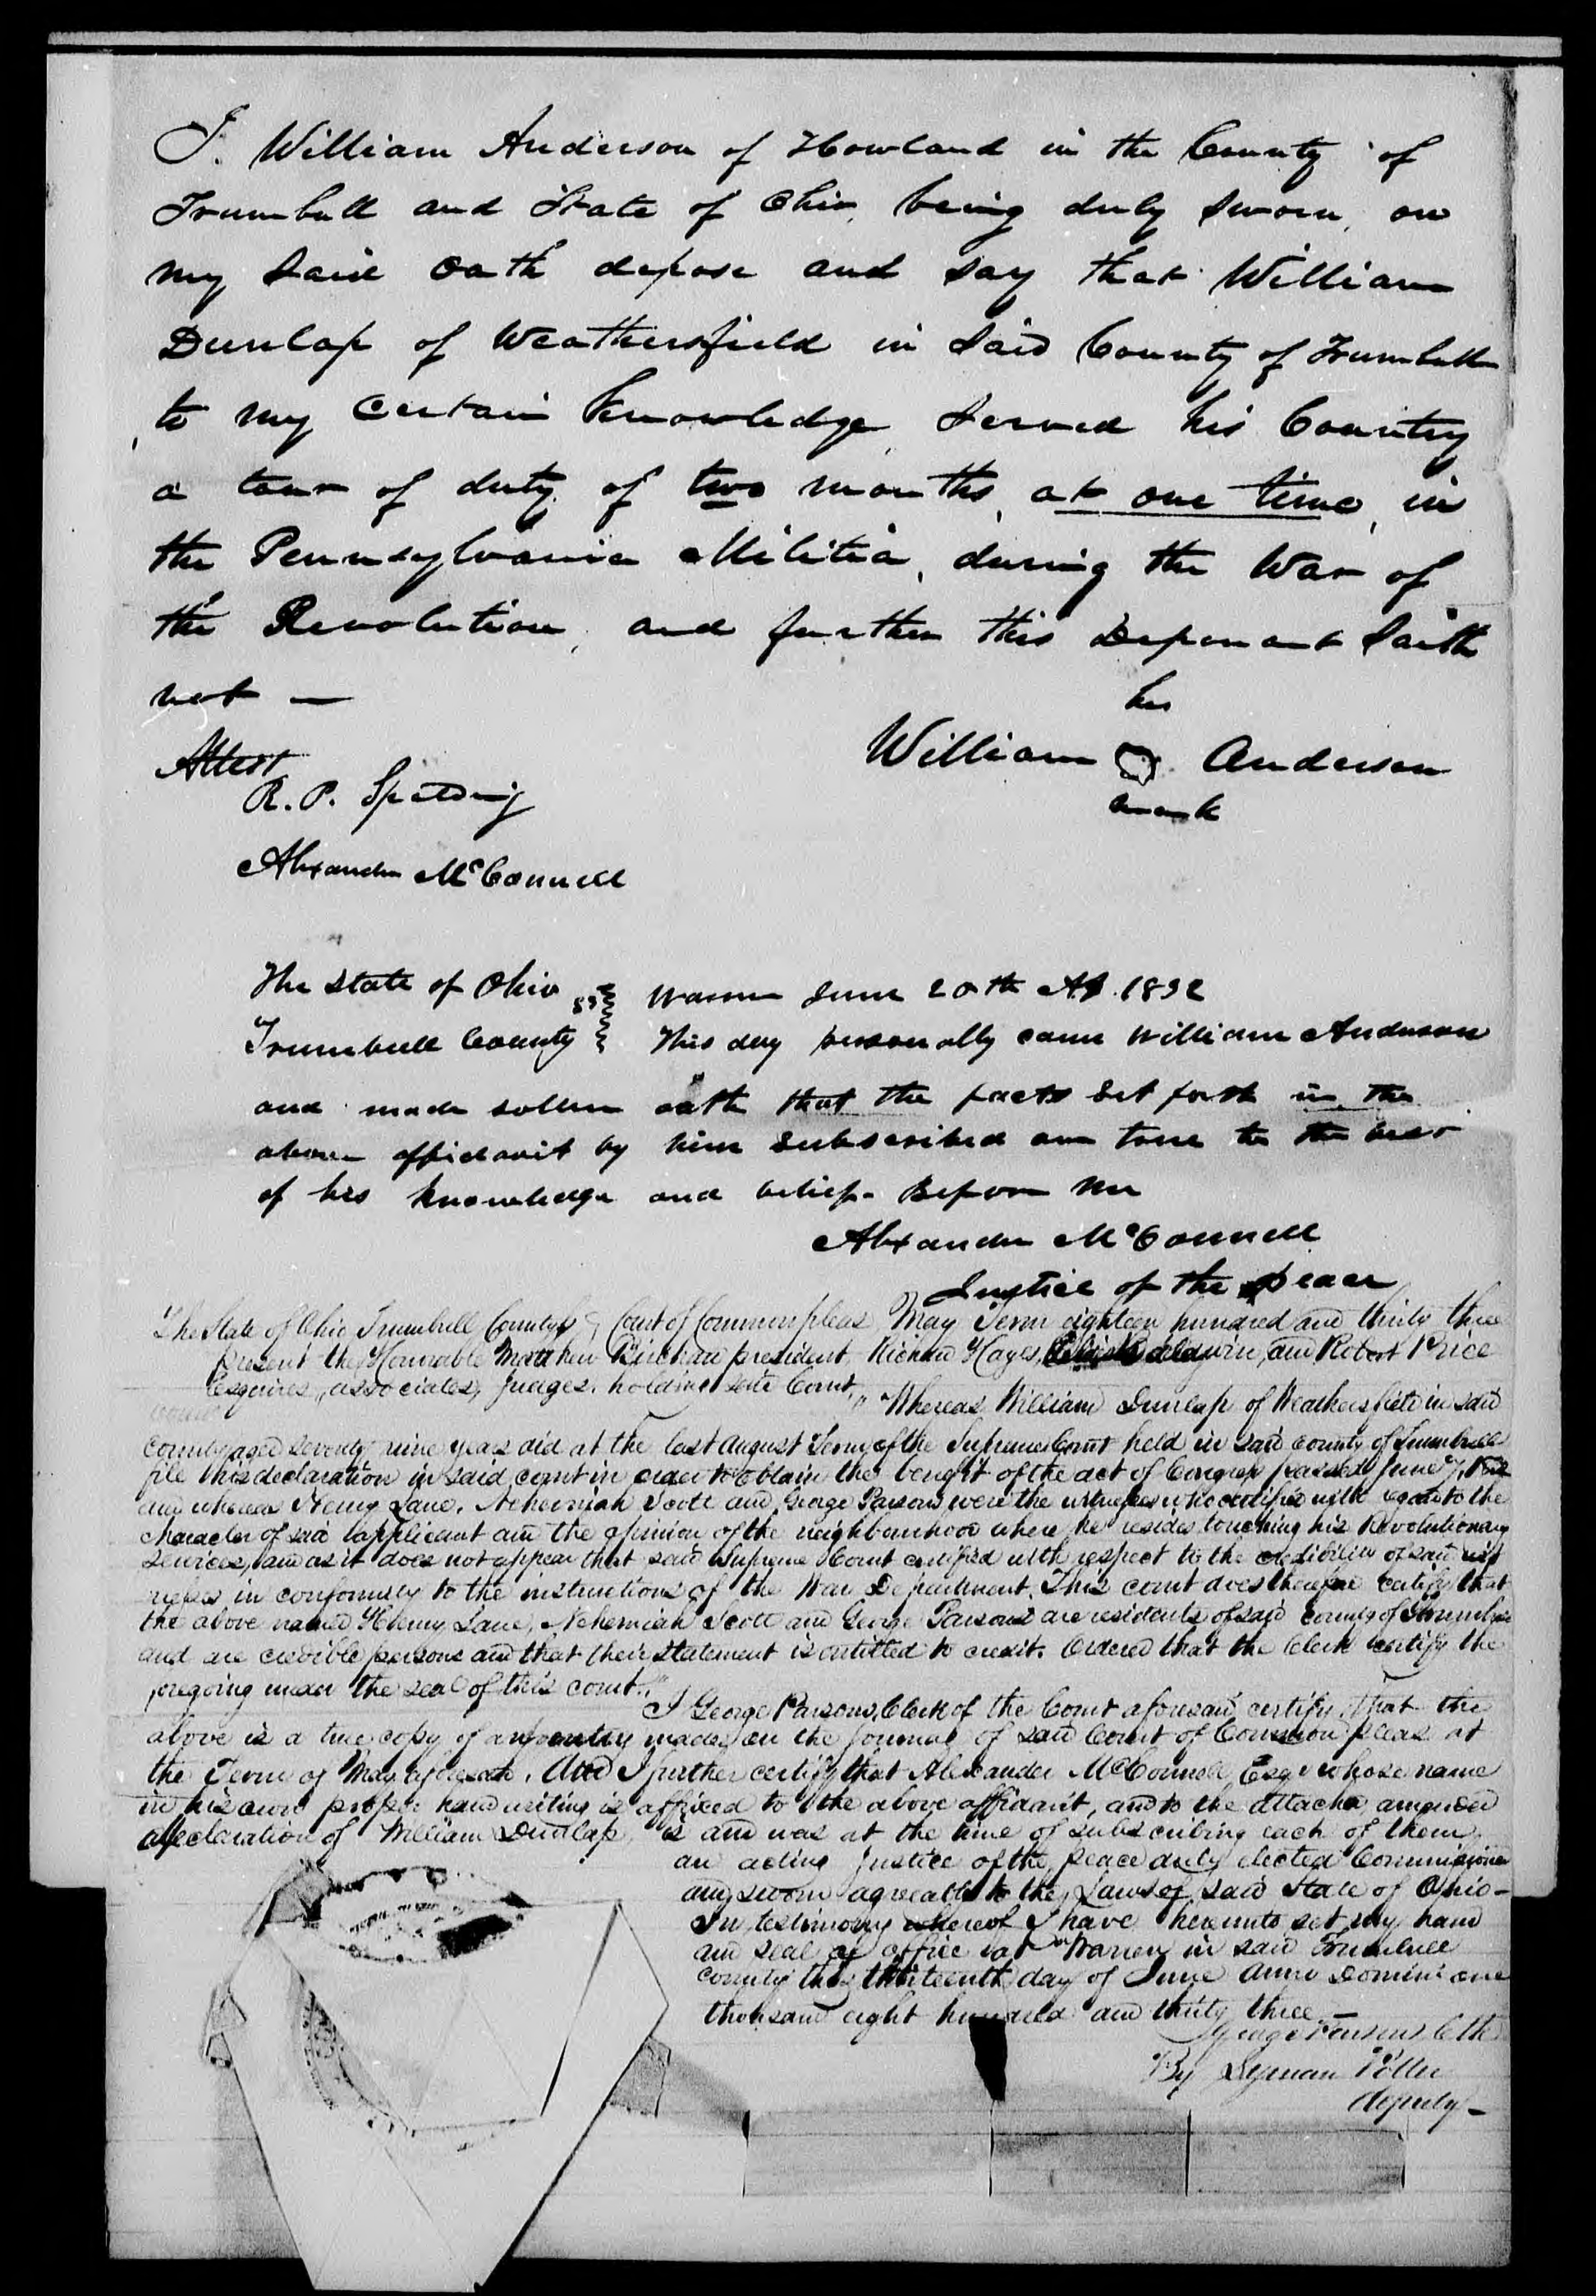[All Handwritten]
I, William Anderson of Howland in the County of Trumbull and State of Ohio being duly sworn on my said oath depose and say that William Dunlap of Weathersfield in said County of Trumbull to my certain knowledge, served his Country a tour of duty of two months, at one time, in the Pennsylvania Militia, during the War of the Revolution, and for [illegible] this depose and saith [illegible] -

William C. Anderson

Attn R. P. Spaldling Alexander McConnell
The State of Ohio Trumbull County 
Warren June 20th A.D. 1832
This day personally came William Anderson and made solemn oath that the facts put forth in the above affidavit by him subscribe or are true to the best of his knowledge and belief. Before Me Alexander McConnell Justice of the Peace

The State of Ohio Trumbull County Court of Common Pleas May Term eighteen hundred and thirty three present the Honorable Matthew [illegible] president, Richard Hayes, [illegible], and Robert Price.

Esquires, associates, judges, holding said court, Whereas William Dunlap of Weathersfield in said County aged seventy nine years old at the last August term of the Supreme Court held in said county of Trumbull file this declaration in said court in [illegible] to obtain the benefit of the act of Congress [illegible]  June [illegible] and whereas Henry Lane, Nehemiah Scott and George Parsons were the witnesses who certified with [illegible] to the character of said applicant and the opinion of the neighborhood where he resides [illegible] his Revolutionary service, and as it does not appear that said Supreme Court certified with respect to the  credibility of said witnesses in conformity to the instructions of the War Department, This court does therefore certify that the above named Henry Lane, Nehemiah Scott and George Parsons are residents of said county of [illegible] and are credible persons and that their statement is entitled to credit.  Ordered that the Clerk certify the foregoing under the seal of this court.

I George Parsons, Clerk of the Court aforesaid certify that the above is a true copy of an entry made on the journal of said court of [illegible] pleas at the [illegible] of May aforesaith, And I further certify that Alexander McConnell Esq and whose name in his own proper handwriting is affixed to the above affidavit, and to the attached [illegible] declaration of William Dunlap is and was at the time of subscribing each of them an acting justice of the peace duly elected commissioner and sworn agreeable to the laws of said State of Ohio - In testimony whereof I have here unto set my hand and seal of office at Warren in said Trumbull County the thirteenth day of June Anno Dominione thousand eight hundred and thirty three. -
George Parsons Clk
By Syman Potter deputy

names: Elias Baldwin, William Anderson, Nehemiah Scott, Alexander Mc Connell, William Anderson, Syman Potter, Henry Lane, William Dunlap, William Anderson, Richard Hayes, R P Spalding, Henry Lane, George Parsons, Alexander Mc Connell, Alexander Mc Connell, George Parsons, William Dunlap, Robert Price, George Parsons, Nehemiah Scott, William Dunlap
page: 19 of 24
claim: survivor's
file: S. 15,415, William Dunlap, Penn.